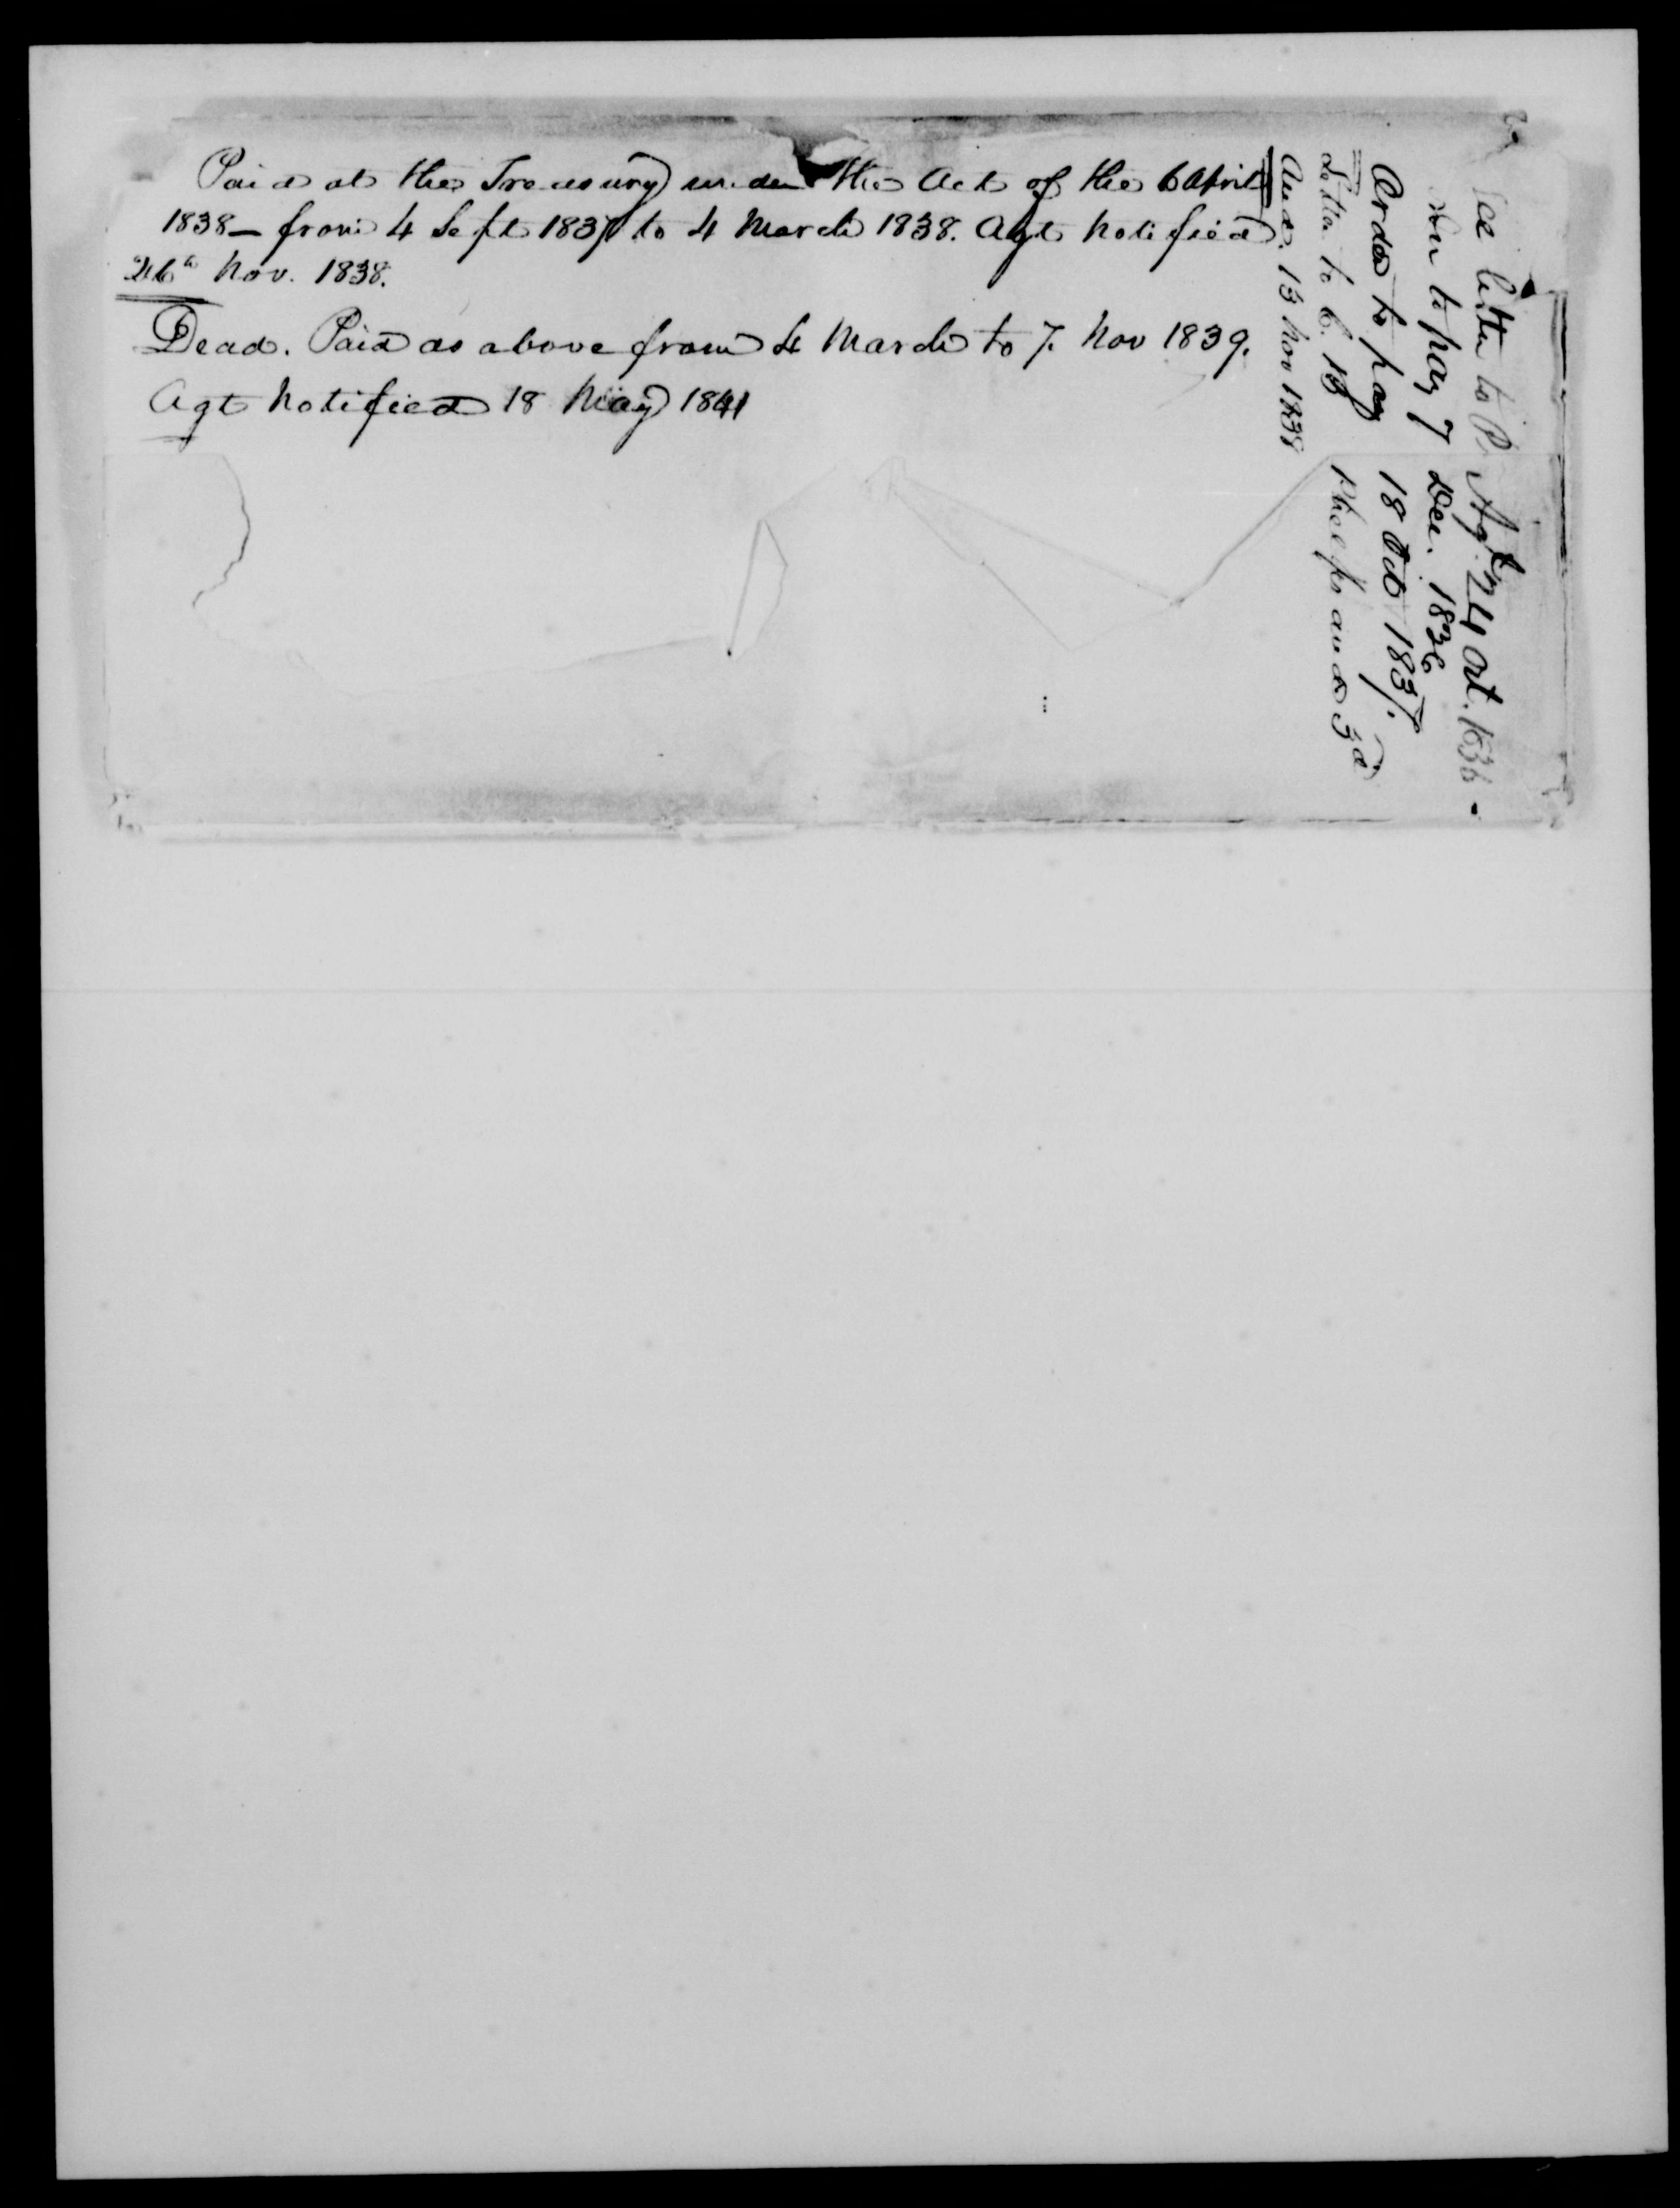Paid at the Treasury under the Act of the 6 April 1838 from 4 Sept 1837 to 4 March 1838.  Agt notified 26th Nov. 1838.  
Dead. Paid as above from 4 March to 7 Nov 1839 Agt notified 18 May 1841 
See letter to P. Agt [pension agent] 24 Oct 1836, 
Order to pay 7 Dec 1836
Order to pay 18 Oct 1837  
Letter to C. B. Phelps and 3d aud [auditor] 13 Nov 1838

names: C B Phelps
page: 4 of 55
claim: widow's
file: W. 11480, for Phinehas Smith, Connecticut